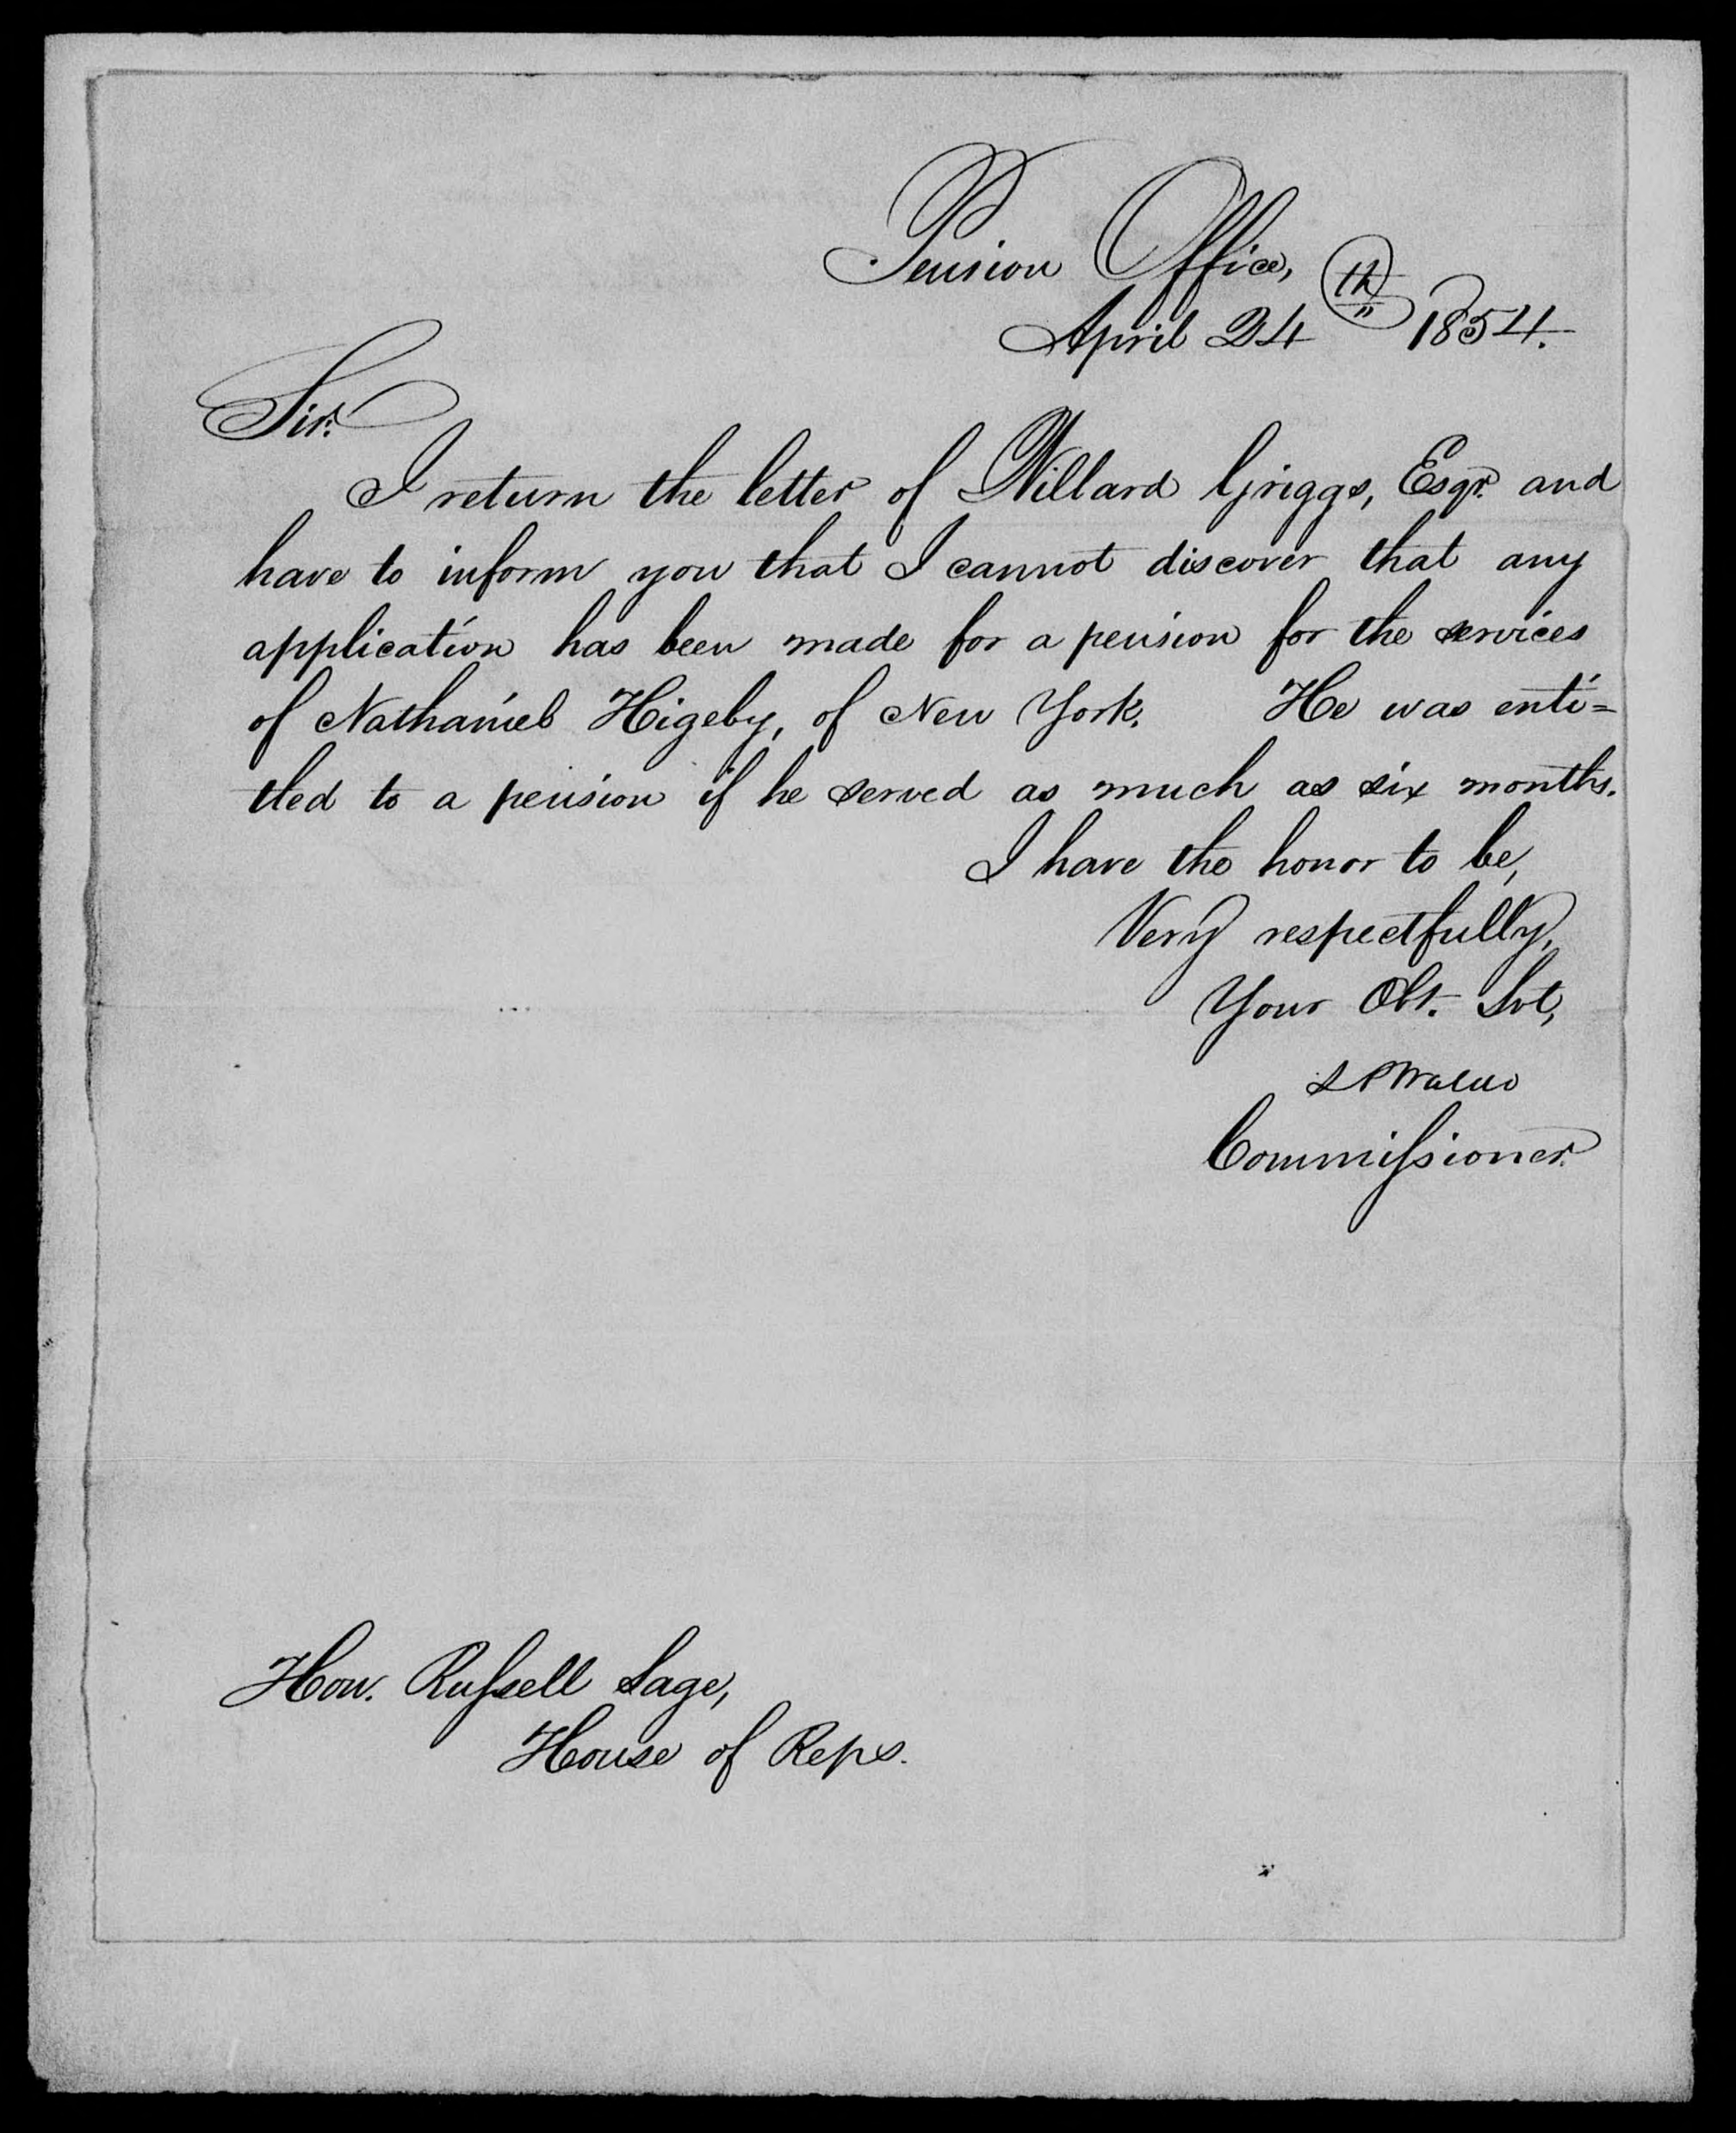Pension Office
April 24th 1854

Sir,
I return the letter of Willard Griggs, Esqr. and have to inform you that I cannot discover that any application has been made for a pension for the service of Nathaniel Higeby, of New York. He was entitled to a pension if he served as much as six months.
I have the honor to be,
Very respectfully,
Your Obi. Svt,
LP Waldo
Commissioner.

Hon. Russel Sage,
House of Reps.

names: Russell Sage, Nathaniel Higeby, L P Waldo, Willard Griggs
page: 19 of 25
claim: rejected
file: R. 4972, Nathaniel Higby, Conn.